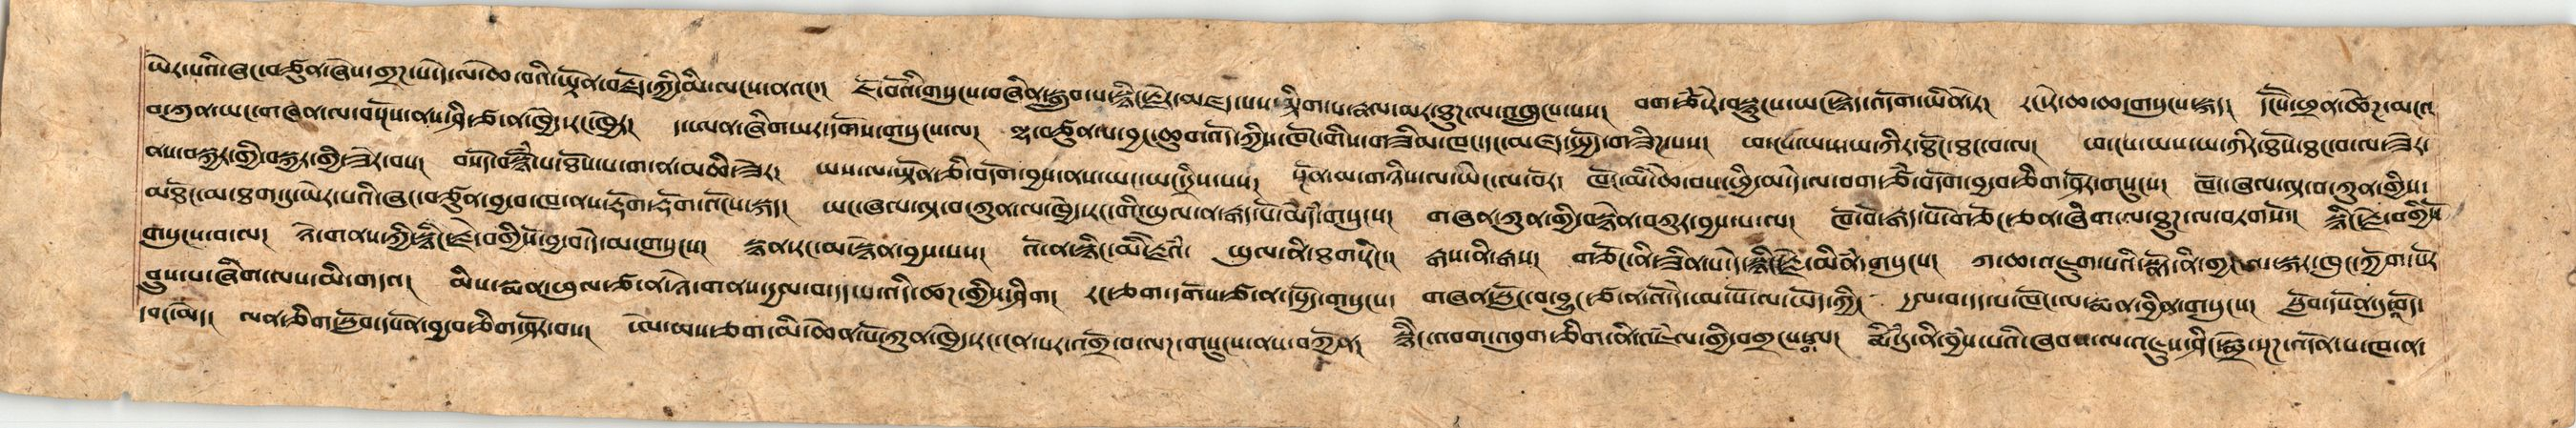ཡེར་པའི་ཞང་བཙུན་ཞེས་གྲཌ་པ་དེ་ལ་ཆེ་བའི་ཡྟོན་བརྗོད་ཀྱི་མི་ལངས་ནའང་། ཇོ་བོའི་གསུངས་བཞིན་སྒྲུབ་པ་སྙིང་རྗེར་མཛད་པས་མྟིག་པ་རྣལ་མར་ཐུཌ་ལ་འཁྲུངས་པས། བག་ཙཾ་རེ་བསྙུངས་ཡང་སྙེད་འདོག་ཡིན་ཏེ། རང་རེ་ཆ་ཆ་གསུངས་སྐད། དངཽསཕྲན་ཚེཌ་མངའ
བ་ཀུན་ཡང་གཞན་ལ་བསྔོས་ནས་ཤི་ཙ་ན་ཁྱེད་རང་ཁྱེར། ད་ཨན་ཞིགཡར་དགོས་གསུངས་ལ། ལྷ་བཙུན་པ་བྱང་ཆུབ་འོད་ཀྱིས་ཁོང་གིས་གཟིམ་ཁང་དང་མཛད་སྤྱོད་གཟིཌ་པས། ཕ་ངས་ཡས་ཡ་ཀིར་ཐོང་ཐང་བ་ལ། ཕ་ངས་ཡས་ཡ་ཀིར་ཐོས་ཐང་བ་ལ་ཟེར་
ནས་བསྐྱར་གྱི་བསྐྱར་གྱི་ཟེར་བས། བསོད་སྙོཾས་པ་ཐོས་པ་ག་ན་མཆི་ཟེར། ཡས་ལ་ཡྟོཏན་ཅི་བདོག་བྱས་ནས་ཡང་ཡང་དྲིས་པས། སྔོན་མ་གཉིས་ལ་ཡེང་ལ་བོར། ཁོང་མི་ཆེ་བས་ཕྱི་མ་དེ་ལ་བག་ཙཾ་བདོག་བྱ་བ་ཅིག་ཤོར་གསུངས། ཁོང་ཞལ་ལྟ་བ་ཀུན་གྱིས་
མཐོང་མ་ཐག་ཏུ་ཡེར་པའི་ཞང་བཙུན་བྱ་བ་ཁ་ནས་རྡོག་རྡོག་འོངས་སྐད། ཡང་ཞལ་ལྟ་བ་ཀུན་ལ་ཁྱེད་རང་གི་ཡུལ་ན་རྒན་པོ་མེདཾ་གསུངས། གཞན་ཀུན་གྱི་བསྙེན་བཀུར་བྱས་པ་ལ། ཁོ་བོ་རྒད་པོ་གཅོང་ཅན་ཞིག་ལ་ཐུཌ་ལ་བཏགསོ་། སྙིང་རྗེ་བགྱིསོ
གསུངས་བ་ལ། ཉེ་གནས་ཀྱི་སྙིང་རྗེ་བགྱིསོ་བྱ་བ་དེ་མ་གསུངས། སྙན་རང་མ་སྙན་བྱས་པས། འོ་ན་སྙིང་མི་རྗེའཾ་ ཡུལ་ནི་ཐག་རིང་། རྒས་ནི་རྒས། གཅོང་ནི་ཟིན་པ་དེ་སྙིང་རྗེ་མིནཾ་གསུངས། ཀ་ཆ་འཇུག་པའི་སྣོད་ནི་གྱང་ལ་སྐར་ཁུང་ཀྱོག་པོར་
བྲུས་པ་ཞིག་ལས་མི་གདའ། མིས་སྨན་ཕུལ་ཙ་ན་ཉེ་གནས་དྱལ་བ་དད་པ་འདི་ཚཌ་གྱིས་ཤིག། རང་ཅག་དགོས་ཙ་ན་དཔྱོད་གསུངས། གཞན་སློང་བ་བྱུང་ཙ་ན་འོ་དེ་ཨ་པོ་ལ་ཡོད་ཀྱི། དྱལ་བ་དད་པ་ཁོང་ལ་སྨན་བྱིན་གསུངས། སློབ་དཔོན་དུ་འབོད་
དབང་མེད། ལན་གཅིག་སློབ་དཔོན་བྱ་བ་ཅིག་ཤོར་བས། ཨེ་ཡས་ཅག་མི་ཆེན་པོ་ཀུན་ཁྱེད་རང་ངན་པར་འགྲོ་བ་ལཌ་གསུངས་ནས་བཀྱོན། སྙིེང་འབག་འབུག་ཅིག་ནི་འཇཾལ་གྱི་བགྲངས་བ་ལ། རྨིཾ་དུ་ནི་བྱཾས་པའི་ཞབས་ལ་འཇུས་ཤིང་སྨྲེ་སྔཌ་འདོན་པ་ཁ་ན་